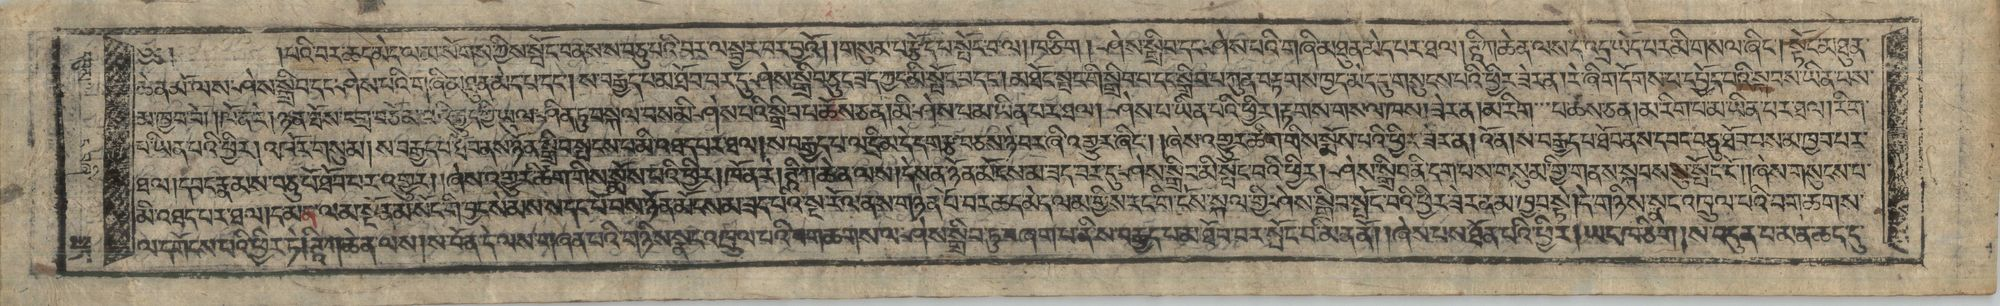༄༅། །པའི་བར་ཆད་མེད་ལམ་སོགས་ཀྱིས་སྤོང་བ་ནས་ས་བཅུ་པའི་བར་ལ་སྦྱར་བར་བྱའོ། །གསུམ་པ་རྩོད་པ་སྤོང་བ་ལ། ཁ་ཅིག ། ཤེས་སྒྲིབ་དང་ཤེས་པའི་གཞི་མཐུན་མེད་པར་ཐལ། ཊཱིཀཆེན་ལས་དེ་འདྲ་ཡོད་པར་མི་གསལ་ཞིང་། སྟོང་མཐུན་
ཆེན་མོ་ལས་ཤེས་སྒྲིབ་དང་ཤེས་པའི་གཞི་མཐུན་མེད་པ་དང་། ས་བརྒྱད་པ་མ་ཐོབ་བར་དུ་ཤེས་སྒྲིབ་ཅུང་ཟད་ཀྱང་མི་སྤོང་བ་དང་། མཐོང་སྤང་གི་སྒྲིབ་པ་དང་སྒྲིབ་པ་ཀུན་བརྟགས་ཁྱད་མེད་དུ་གསུངས་པའི་ཕྱིར་ཟེར་ན། རེ་ཞིག་དོགས་པ་དཔྱོད་པའི་སྐབས་ཡིན་པས་
མ་ཁྱབ་བོ། །ཁོ་ན་རེ། ཉན་ཐོས་དགྲ་བཅོམ་པའི་རྒྱུད་ཀྱི་ཡུལ་ཤིན་ཏུ་བསྐལ་བས་མི་ཤེས་པའི་སྒྲིབ་པ་ཆོས་ཅན། མི་ཤེས་པ་མ་ཡིན་པར་ཐལ། ཤེས་པ་ཡིན་པའི་ཕྱིར། རྟགས་གསལ་ཁས། ཟེར་ན། མ་རིག་པ་ཆོས་ཅན། མ་རིག་པ་མ་ཡིན་པར་ཐལ། རིག་
པ་ཡིན་པའི་ཕྱིར། འཁོར་གསུམ། ས་བརྒྱད་པ་ཐོབ་ནས་ཉོན་སྒྲིབ་སྤངས་པ་མི་འཐད་པར་ཐལ། ས་བརྒྱད་པ་ལ་དྲི་མ་དེ་དག་རྩ་བཅས་ཉེ་བར་ཞི་འགྱུར་ཞིང་། །ཞེས་འགྱུར་ཚིག་གིས་སྨོས་པའི་ཕྱིར་ཟེར་ན། འོ་ན། ས་བརྒྱད་པ་ཐོབ་ནས་དབང་བཅུ་ཐོབ་པས་མ་ཁྱབ་པར་
ཐལ། དབང་རྣམས་བཅུ་པོ་ཐོབ་པར་འགྱུར། །ཞེས་འགྱུར་ཚིག་གིས་སྨོས་པའི་ཕྱིར། ཁོ་ན་རེ། ཊཱིཀཆེན་ལས། དེས་ན་ཉོན་མོངས་མ་ཟད་བར་དུ་ཤེས་སྒྲིབ་མི་སྤོང་བའི་ཕྱིར། ཤེས་སྒྲིབ་ནི་དག་པ་ས་གསུམ་གྱི་གནས་སྐབས་སུ་སྤོང་ངོ། །ཞེས་གསུངས་པ་
མི་འཐད་པར་ཐལ། དམན་ལམ་སྔོན་མ་སོང་གི་བྱང་སེམས་ས་དང་པོ་བས་ཉོན་མོངས་མ་ཟད་པའི་སྔ་རོལ་ནས་གཉེན་པོ་བར་ཆད་མེད་ལམ་གྱིས་རང་གི་ངོས་སྐལ་གྱི་ཤེས་སྒྲིབ་སྤོང་བའི་ཕྱིར་ཟེར་ན་མ་ཁྱབ་སྟེ། དེ་གཉིས་སྣང་འཁྲུལ་པའི་བག་ཆགས་
ལ་དགོངས་པའི་ཕྱིར་ཏེ། ཊཱིཀཆེན་ལས། ས་བོན་དེ་ལས་གཞན་པའི་གཉིས་སྣང་འཁྲུལ་པའི་བག་ཆགས་ལ་ཤེས་སྒྲིབ་ཏུ་བཞག་པ་ནི་ས་བརྒྱད་པ་མ་ཐོབ་པར་སྤོང་བ་མིན་ནོ། །ཞེས་པས་ཐོན་པའི་ཕྱིར། ཡང་ཁ་ཅིག ། ས་བདུན་པ་མན་ཆད་དུ་